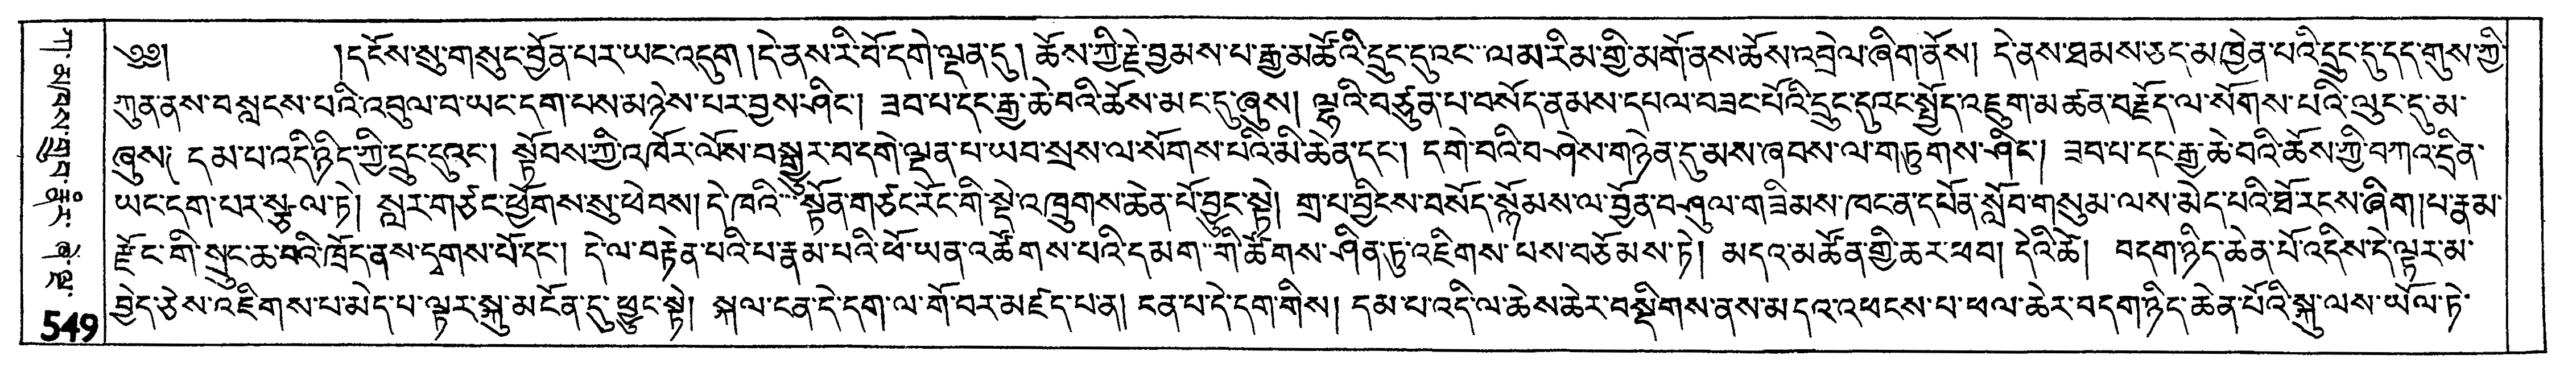༄༅། །དངོས་སུ་གསུང་བྱོན་པར་ཡང་འདུག །དེ་ནས་རི་བོ་དགེ་ལྡན་དུ། ཆོས་ཀྱི་རྗེ་བྱམས་པ་རྒྱ་མཚོའི་དྲུང་དུ་འང་ལམ་རིམ་གྱི་མགོ་ནས་ཆོས་འབྲེལ་ཞིག་ནོས། དེ་ནས་ཐམས་ཅད་མཁྱེན་པའི་དྲུང་དུ་དད་གུས་ཀྱི་
ཀུན་ནས་བསླངས་པའི་འབུལ་བ་ཡང་དག་པས་མཉེས་པར་བྱས་ཤིང་། ཟབ་པ་དང་རྒྱ་ཆེ་བའི་ཆོས་མང་དུ་ཞུས། ལྷའི་བཙུན་པ་བསོད་ནམས་དཔལ་བཟང་པོའི་དྲུང་དུའང་སྤྱོད་འཇུག་མཚན་བརྗོད་ལ་སོགས་པའི་ལུང་དུ་མ་
ཞུས༑ དམ་པ་འདི་ཉིད་ཀྱི་དྲུང་དུའང་། སྟོབས་ཀྱི་འཁོར་ལོས་བསྒྱུར་བ་དགེ་ལྡན་པ་ཡབ་སྲས་ལ་སོགས་པའི་མི་ཆེན་དང་། དགེ་བའི་བཤེས་གཉེན་དུ་མས་ཞབས་ལ་གཏུགས་ཤིང་། ཟབ་པ་དང་རྒྱ་ཆེ་བའི་ཆོས་ཀྱི་བཀའ་དྲིན་
ཡང་དག་པར་སྩལ་ཏེ། སླར་གཙང་ཕྱོགས་སུ་ཕེབས། དེ་ཁའི་སྟོན་གཙང་རོང་གི་སྡེ་འཁྲུགས་ཆེན་པོ་བྱུང་སྟེ། གྲ་པ་བྱིངས་བསོད་སྙོམས་ལ་བྱོན་བཤུལ་གཟིམས་ཁང་ན་དཔོན་སློབ་གསུམ་ལས་མེད་པའི་ཐོ་རངས་ཞིག །པ་རྣམ་
རྫོང་གི་སྲུང་ཆ་བའི་ཁྲོད་ནས་དྭགས་པོ་དང་། དེ་ལ་བརྟེན་པའི་པ་རྣམ་པའི་ཕོ་ཡན་འཚོགས་པའི་དམག་གི་ཚོགས་ཤིན་ཏུ་འཇིགས་པས་བཅོམས་ཏེ། མདའ་མཚོན་གྱི་ཆར་ཕབ། དེའི་ཚེ། བདག་ཉིད་ཆེན་པོ་འདིས་དེ་ལྟར་མ་
བྱེད་ཅེས་འཇིགས་པ་མེད་པ་ལྟར་སྐུ་མངོན་དུ་ཕྱུང་སྟེ། སྐལ་ངན་དེ་དག་ལ་གོ་བར་མཛད་པ་ན། ངན་པ་དེ་དག་གིས། དམ་པ་འདི་ལ་ཆེས་ཆེར་བསྡིགས་ནས་མདའ་འཕངས་པ་ཕལ་ཆེར་བདག་ཉིད་ཆེན་པོའི་སྐུ་ལས་ཡོལ་ཏེ་